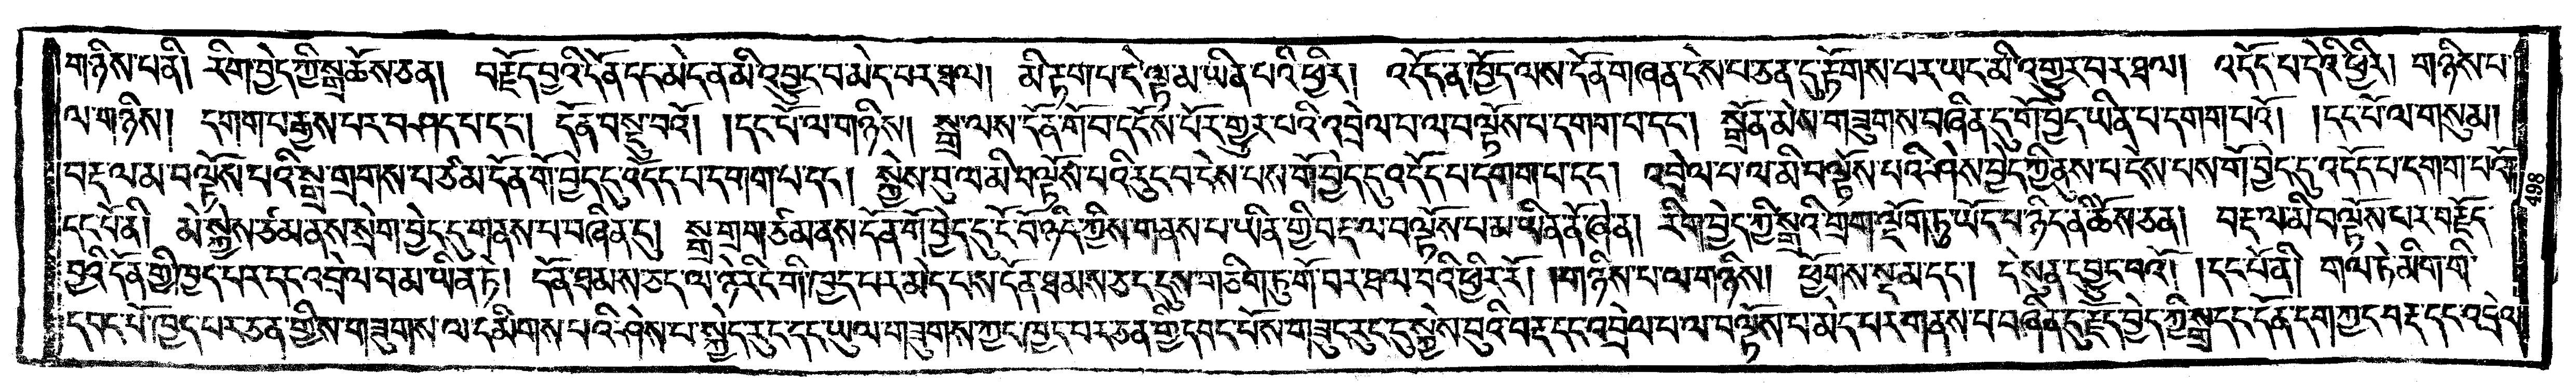གཉིས་པ་ནི། རིག་བྱེད་ཀྱི་སྒྲ་ཆོས་ཅན། བརྗོད་བྱའི་དོན་དང་མེད་ན་མི་འབྱུང་བ་མེད་པར་ཐལ། མི་རྟག་པ་དེ་ལྟ་མ་ཡིན་པའི་ཕྱིར། འདོད་ན་ཁྱོད་ལས་དོན་གཞན་ངེས་པ་ཅན་དུ་རྟོགས་པར་ཡང་མི་འགྱུར་བར་ཐལ། འདོད་པ་དེའི་ཕྱིར། གཉིས་པ་
ལ་གཉིས། དགག་པ་རྒྱས་པར་བཤད་པ་དང་། དོན་བསྡུ་བའོ། །དང་པོ་ལ་གཉིས། སྒྲ་ལས་དོན་གོ་བ་དངོས་པོར་གྱུར་པའི་འབྲེལ་པ་ལ་བལྟོས་པ་དགག་པ་དང་། སྒྲོན་མེས་གཟུགས་བཞིན་དུ་གོ་བྱེད་ཡིན་པ་དགག་པའོ། །དང་པོ་ལ་གསུམ།
བརྡ་ལ་མ་བལྟོས་པའི་སྒྲ་གྲགས་པ་ཙམ་དོན་གོ་བྱེད་དུ་འདོད་པ་དགག་པ་དང་། སྐྱེས་བུ་ལ་མི་བལྟོས་པའི་རུང་བ་ངེས་པས་གོ་བྱེད་དུ་འདོད་པ་དགག་པ་དང་། འབྲེལ་པ་ལ་མི་བལྟོས་པའི་ཤེས་བྱེད་ཀྱི་ནུས་པ་ངེས་པས་གོ་བྱེད་དུ་འདོད་པ་དགག་པའོ།
དང་པོ་ནི། མི་སྐྱེས་ཙམ་ནས་སྲེག་བྱེད་དུ་གནས་པ་བཞིན་དུ། སྒྲ་གྲག་ཙམ་ནས་དོན་གོ་བྱེད་དུ་ངོ་བོ་ཉིད་ཀྱིས་གནས་པ་ཡིན་གྱི་བརྡ་ལ་བལྟོས་པ་མ་ཡིན་ནོ་ཞེ་ན། རིག་བྱེད་ཀྱི་སྒྲའི་གྲག་ལྡོག་ཏུ་ཡོད་པ་ཉིད་ནི་ཆོས་ཅན། བརྡ་ལ་མི་བལྟོས་པར་བརྗོད་
བྱའི་དོན་གྱི་ཁྱད་པར་དང་འབྲེལ་པ་མ་ཡིན་ཏེ། དོན་ཐམས་ཅད་ལ་ཉེ་རིང་གི་ཁྱད་པར་མེད་པས་དོན་ཐམས་ཅད་དུས་གཅིག་ཏུ་གོ་བར་ཐལ་བའི་ཕྱིར་རོ། །གཉིས་པ་ལ་གཉིས། ཕྱོགས་སྔ་མ་དང་། དེ་སུན་དབྱུང་བའོ། །དང་པོ་ནི། གལ་ཏེ་མིག་གི་
དབང་པོ་ཁྱད་པར་ཅན་གྱིས་གཟུགས་ལ་དམིགས་པའི་ཤེས་པ་སྐྱེད་རུང་དང་ཡུལ་གཟུགས་ཀྱང་ཁྱད་པར་ཅན་གྱི་དབང་པོས་གཟུང་རུང་དུ་སྐྱེས་བུའི་བརྡ་དང་འབྲེལ་པ་ལ་བལྟོས་པ་མེད་པར་གནས་པ་བཞིན་དུ་རྗོད་བྱེད་ཀྱི་སྒྲ་དང་དོན་དག་ཀྱང་བརྡ་དང་འབྲེལ་